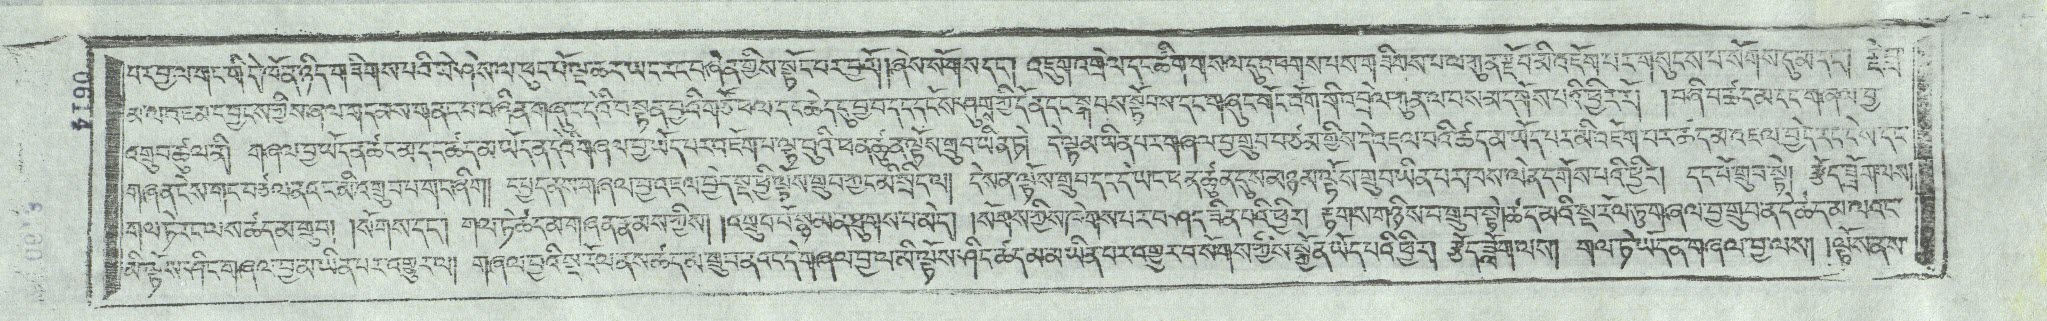པར་བྱ་ལ་གང་གི་དེ་ཁོ་ན་ཉིད་གཟིགས་པའི་ཡེ་ཤེས་ལ་ཕུང་པོ་ལྔ་ཆར་ཡང་རང་བཞིན་གྱིས་སྟོང་པར་བྱའོ། །ཞེས་སོགས་དང་། འཇུག་འགྲེལ་དང་ཚིག་གསལ་དུ་འཕགས་པས་གཟིགས་པ་ལ་ཀུན་རྫོབ་མི་འཇོག་པར་གསུངས་པ་སོགས་དུ་མ་དང་། རྗེ་བླ་
མ་ལ་འཇམ་དབྱངས་གྱིས་ཞལ་གདམས་གནང་བ་བཞིན་གཞུང་དེའི་བསྟན་བྱའི་གཙོ་ཕལ་དང་ཆེད་དུ་བྱ་བ་དང་དངོས་ཤུགས་ཀྱི་དོན་དང་སྐབས་སྟོབས་དང་གཞུང་གོང་འོག་གི་འབྲེལ་ཀུན་ལ་བསམ་དགོས་པའི་ཕྱིར་རོ། །བཞི་བ་ཚད་མ་དང་གཞལ་བྱ་
འགྲུབ་ཚུལ་ནི། གཞལ་བྱ་ཡོད་ན་ཚང་མ་དང་ཚད་མ་ཡོད་ན་དེའི་གཞལ་བྱ་ཡོད་པར་འཇོག་པ་ལྟ་བུའི་ཕན་ཚུན་ལྟོས་གྲུབ་ཡིན་ཏེ། དེ་ལྟ་མ་ཡིན་པར་གཞལ་བྱ་གྲུབ་པ་ཙམ་གྱིས་དེ་འཇལ་བའི་ཚད་མ་ཡོད་པར་མི་འཇོག་པར་ཚད་མ་འཇལ་བྱེད་རང་ངེས་དང་
གཞན་ངེས་གང་བཙལ་ནའང་མི་འགྲུབ་པ་གང་ཞིག་དཔྱད་ནས་གཞལ་བྱ་འཇལ་བྱེད་སྔ་ཕྱི་ལྟོས་གྲུབ་ཀྱང་མི་སྲིད་ལ། དེས་ན་ལྟོས་གྲུབ་དང་དེ་ཡང་ཕན་ཚུན་དུས་མཉམ་ལྟོས་གྲུབ་ཡིན་པར་ཁས་ལེན་དགོས་པའི་ཕྱིར། དང་པོ་གྲུབ་སྟེ། རྩོད་ཟློག་ལས།
གལ་ཏེ་རང་ལས་ཚད་མ་གྲུབ། །སོགས་དང་། གལ་ཏེ་ཚད་མ་གཞན་རྣམས་ཀྱིས། །འགྲུབ་པོ་སྙམ་ན་ཐུགས་པ་མེད། །སོགས་ཀྱིས་ཁེགས་པར་བཤད་ཟིན་པའི་ཕྱིར། རྟགས་གཉིས་པ་གྲུབ་སྟེ། ཚད་མའི་སྔ་རོལ་ཏུ་གཞལ་བྱ་གྲུབ་ན་དེ་ཚད་མ་ལའང་
མི་ལྟོས་ཤིང་གཞལ་བྱ་མ་ཡིན་པར་འགྱུར་ལ། གཞལ་བྱའི་སྔ་རོལ་ནས་ཚད་མ་གྲུབ་ནའང་དེ་གཞལ་བྱ་ལ་མི་ལྟོས་ཤིང་ཚད་མ་མ་ཡིན་པར་འགྱུར་བ་སོགས་ཀྱིས་སྐྱོན་ཡོད་པའི་ཕྱིར། རྩོད་ཟློག་ལས། གལ་ཏེ་ཡོད་ན་གཞལ་བྱ་ལས། །ལྟོས་ནས་